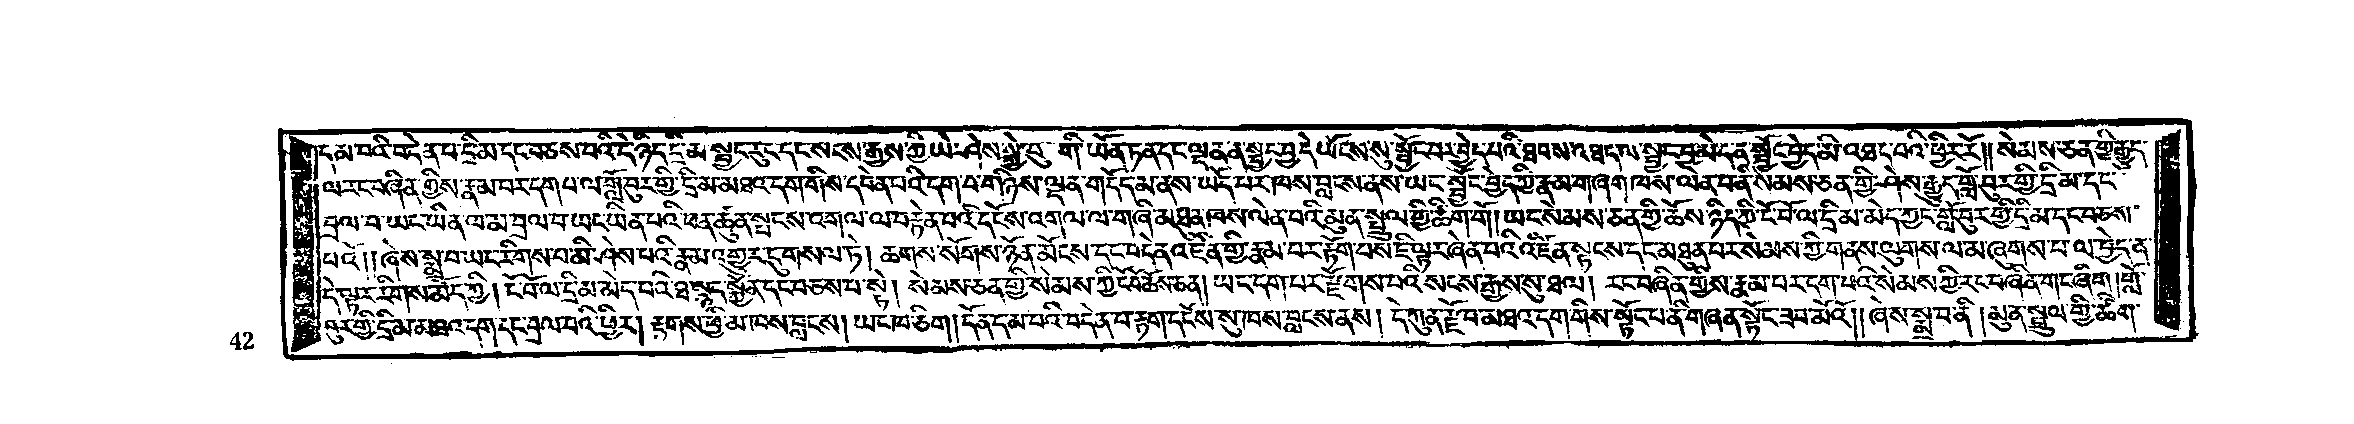དམ་པའི་བདེན་པ་དྲི་མ་དང་བཅས་པའི་དེ་ཉིད་དྲི་མ་སྦྱང་རུང་དང་སངས་རྒྱས་ཀྱི་ཡེ་ཤེས་སྐྱེ་བུ་གི་ཡོན་ཏན་དང་ལྡན་ན་སྦྱང་བྱ་དེ་ཡོངས་སུ་སྦྱོང་བར་བྱེད་པའི་ཐབས་འཐད་ལ་སྦྱང་བྱ་མེད་ན་སྦྱོང་བྱེད་མི་འཐད་པའི་ཕྱིར་རོ། །སེམས་ཅན་གྱི་རྒྱུད་
ལ་རང་བཞིན་གྱིས་རྣམ་པར་དག་པ་ལ་གློ་བུར་གྱི་དྲི་མ་མཐའ་དག་གིས་དབེན་པའི་དག་པ་གཉིས་ལྡན་གདོད་མ་ནས་ཡོད་པར་ཁས་བླངས་ནས་ཡང་སྦྱོང་བྱེད་ཀྱི་རྣམ་གཞག་ཁས་ལེན་པ་ནི་སེམས་ཅན་གྱི་ཤེས་རྒྱུད་གློ་བུར་གྱི་དྲི་མ་དང་
བྲལ་བ་ཡང་ཡིན་ལ་མ་བྲལ་བ་ཡང་ཡིན་པའི་ཕན་ཚུན་སྤངས་འགལ་ལ་བརྟེན་པའི་དངོས་འགལ་ལ་གཞི་མཐུན་ཁས་ལེན་པའི་མུན་སྤྲུལ་གྱི་ཚིག་གོ །ཡང་སེམས་ཅན་གྱི་ཆོས་ཉིད་ཀྱི་ངོ་བོ་ལ་དྲི་མ་མེད་ཀྱང་གློ་བུར་གྱི་དྲི་མ་དང་བཅས་
པའོ༑ ༑ཞེས་སྨྲ་བ་ཡང་རིགས་པ་མི་ཤེས་པའི་རྣམ་འགྱུར་དུ་གསལ་ཏེ། ཆགས་སོགས་ཉོན་མོངས་དང་བདེན་འཛིན་གྱི་རྣམ་པར་རྟོག་པས་ཇི་ལྟར་ཞེན་པའི་འཛིན་སྟངས་དང་མཐུན་པར་སེམས་ཀྱི་གནས་ལུགས་ལ་མ་ཞུགས་པ་ལ་བྱེད་ན་
དེ་ལྟར་རིགས་མོད་ཀྱི། ངོ་བོ་ལ་དྲི་མ་མེད་པའི་ཐ་སྙད་སྐྱོན་དང་བཅས་པ་སྟེ། སེམས་ཅན་གྱི་སེམས་ཀྱི་ངོ་བོ་ཆོས་ཅན། ཡང་དག་པར་རྫོགས་པའི་སངས་རྒྱས་སུ་ཐལ། རང་བཞིན་གྱིས་རྣམ་པར་དག་པའི་སེམས་ཀྱི་རང་བཞིན་གང་ཞིག །གློ་
བུར་གྱི་དྲི་མ་མཐའ་དག་དང་བྲལ་བའི་ཕྱིར། རྟགས་ཕྱི་མ་ཁས་བླངས། ཡང་ཁ་ཅིག །དོན་དམ་པའི་བདེན་པ་རྟག་དངོས་སུ་ཁས་བླངས་ནས། དེ་ཀུན་རྫོབ་མཐའ་དག་གིས་སྟོང་པ་ནི་གཞན་སྟོང་ཟབ་མོའོ། །ཞེས་སྨྲ་བ་ནི། མུན་སྤྲུལ་གྱི་ཚིག་